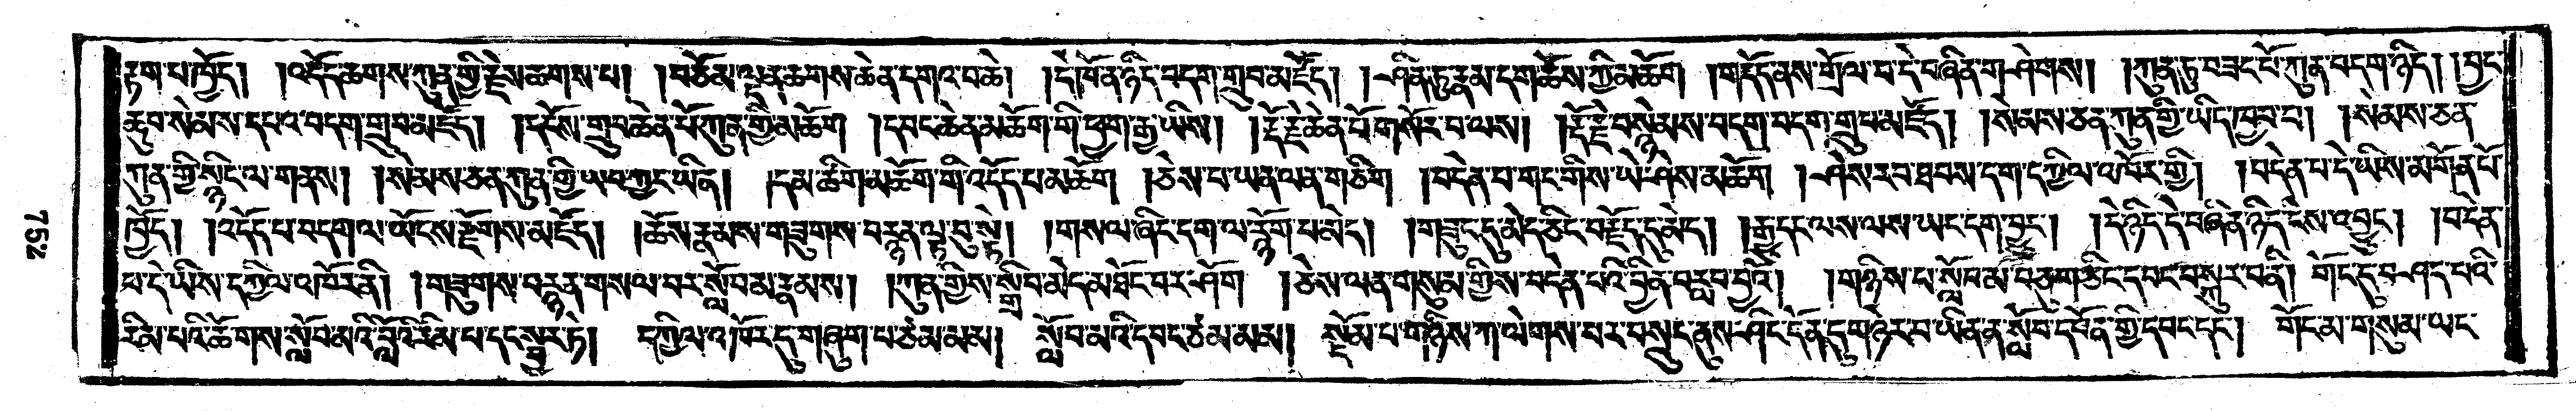རྟག་པ་ཁྱོད། །འདོད་ཆགས་ཀུན་གྱི་རྗེས་ཆགས་པ། །བཅོམ་ལྡན་ཆགས་ཆེན་དགའ་བ་ཆེ། །དེ་ཁོ་ན་ཉིད་བདག་གྲུབ་མཛོད། །ཤིན་ཏུ་རྣམ་དག་ཆོས་ཀྱི་མཆོག །གདོད་ནས་གྲོལ་བ་དེ་བཞིན་གཤེགས། །ཀུན་ཏུ་བཟང་པོ་ཀུན་བདག་ཉིད། །བྱང་
ཆུབ་སེམས་དཔའ་བདག་གྲུབ་མཛད། །དངོས་གྲུབ་ཆེན་པོ་ཀུན་གྱི་མཆོག །དབང་ཆེན་མཆོག་གི་ཕྱག་རྒྱ་ཡིས། །རྡོ་རྗེ་ཆེན་པོ་གསོར་བ་ལས། །རྡོ་རྗེ་བསྙེམས་བདག་བདག་གྲུབ་མཛོད། །སེམས་ཅན་ཀུན་གྱི་ཡིད་ཁྱབ་པ། །སེམས་ཅན་
ཀུན་གྱི་སྙིང་ལ་གནས། །སེམས་ཅན་ཀུན་གྱི་ཡབ་ཀྱང་ཡིན། །དམ་ཚིག་མཆོག་གི་འདོད་པ་མཆོག །ཅེས་པ་ཡན་ལག་གཅིག །བདེན་པ་གང་གིས་ཡེ་ཤེས་མཆོག །ཤེས་རབ་ཐབས་དག་དཀྱིལ་འཁོར་གྱི། །བདེན་པ་དེ་ཡིས་མགོན་པོ་
ཁྱོད། །འདོད་པ་བདག་ལ་ཡོངས་རྫོགས་མཛོད། །ཆོས་རྣམས་གཟུགས་བརྙན་ལྟ་བུ་སྟེ། །གསལ་ཞིང་དག་ལ་རྙོག་པ་མེད། །གཟུང་དུ་མེད་ཅིང་བརྗོད་དུ་མེད། །རྒྱུ་དང་ལས་ལས་ཡང་དག་བྱུང་། །དེ་ཉིད་དེ་བཞིན་ཉིད་ངེས་འབྱུང་། །བདེན་
པ་དེ་ཡིས་དཀྱིལ་འཁོར་ནི། །གཟུགས་བརྙན་གསལ་བར་སློབ་མ་རྣམས། །ཀུན་གྱིས་སྒྲིབ་མེད་མཐོང་བར་ཤོག །ཅེས་ལན་གསུམ་གྱིས་བདེན་པའི་བྱིན་བརླབ་བྱའོ། །གཉིས་པ་སློབ་མ་བཅུག་ཅིང་དབང་བསྐུར་བ་ནི། གོང་དུ་བཤད་པའི་
རིམ་པའི་ཆོ་གས་སློབ་མའི་བློའི་རིམ་པ་དང་སྦྱར་ཏེ། དཀྱིལ་འཁོར་དུ་གཞུག་པ་ཙམ་མམ། སློབ་མའི་དབང་ཙམ་མམ། སྡོམ་པ་གཉིས་ཀ་ལེགས་པར་བསྲུང་ནུས་ཤིང་དོན་དུ་གཉེར་པ་ཡིན་ན་སློབ་དཔོན་གྱི་དབང་དང་། གོང་མ་གསུམ་ཡང་